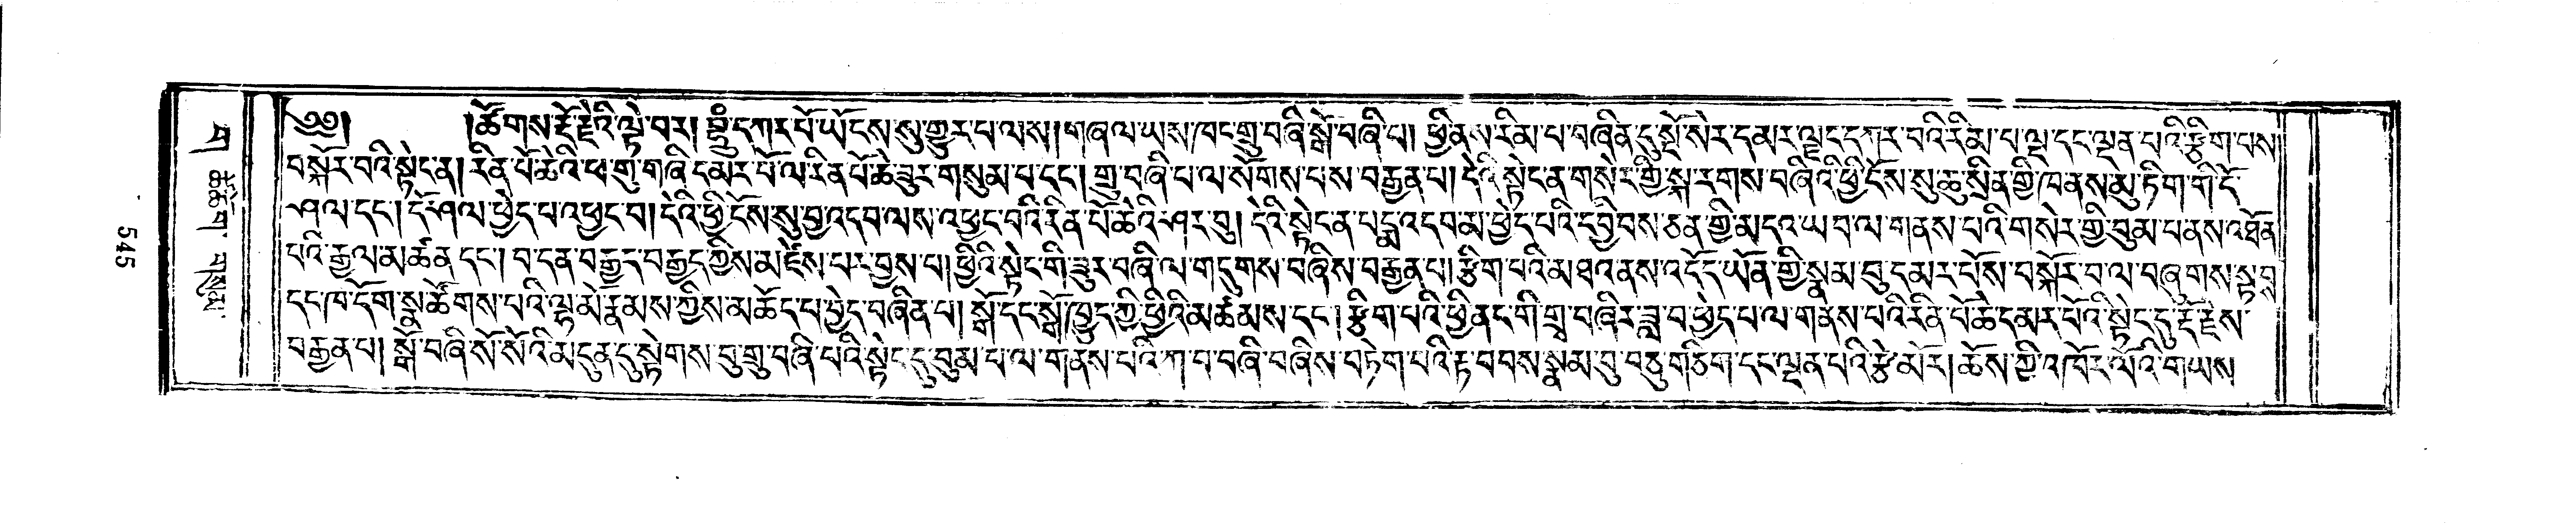༄༅། །ཚོགས་རྡོ་རྗེའི་ལྟེ་བར། བྷྲུཾ་དཀར་པོ་ཡོངས་སུ་གྱུར་པ་ལས། གཞལ་ཡས་ཁང་གྲུ་བཞི་སྒོ་བཞི་པ། ཕྱི་ནས་རིམ་པ་བཞིན་དུ་སྔོ་སེར་དམར་ལྗང་དཀར་བའི་རིམ་པ་ལྔ་དང་ལྡན་པའི་རྩིག་པས་
བསྐོར་བའི་སྟེང་ན། རིན་པོ་ཆེའི་ཕ་གུ་གཞི་དམར་པོ་ལ་རིན་པོ་ཆེ་ཟུར་གསུམ་པ་དང་། གྲུ་བཞི་པ་ལ་སོགས་པས་བརྒྱན་པ། དེའི་སྟེང་ན་གསེར་གྱི་སྐ་རགས་བཞིའི་ཕྱི་ངོས་སུ་ཆུ་སྲིན་གྱི་ཁ་ནས་མུ་ཏིག་གི་དོ་
ཤལ་དང་། དོ་ཤལ་ཕྱེད་པའི་ཕྱང་བ། དེའི་ཕྱི་ངོས་སུ་བྱ་འདབ་ལས་འཕྱང་བའི་རིན་པོ་ཆེའི་ཤར་བུ། དེའི་སྟེང་ན་པདམ་འདབ་མ་ཕྱེད་པའི་དབྱིབས་ཅན་གྱི་མདའ་ཡབ་ལ་གནས་པའི་གསེར་གྱི་བུམ་པ་ནས་འཐོན་
པའི་རྒྱལ་མཚན་དང་། བ་དན་བརྒྱད་བརྒྱད་ཀྱིས་མཛེས་པར་བྱས་པ། ཕྱིའི་སྟེང་གི་ཟུར་བཞི་ལ་གདུགས་བཞིས་བརྒྱན་པ། རྩིག་པའི་མཐའ་ནས་འདོད་ཡོན་གྱི་སྣམ་བུ་དམར་པོས་བསྐོར་བ་ལ་བཞུགས་སྟབས་
དང་ཁ་དོག་སྣ་ཚོགས་པའི་ལྷ་མོ་རྣམས་ཀྱིས་མཆོད་པ་བྱེད་བཞིན་པ། སྒོ་དང་སྒོ་ཁྱུད་ཀྱི་ཕྱིའི་མཚམས་དང་། རྩིག་པའི་ཕྱི་ནང་གི་གྲྭ་བཞིར་ཟླ་བ་ཕྱེད་པ་ལ་གནས་པའི་རིན་པོ་ཆེ་དམར་པོའི་སྟེང་དུ་རྡོ་རྗེས་
བརྒྱན་པ། སྒོ་བཞི་སོ་སོའི་མདུན་དུ་སྟེགས་བུ་གྲུ་བཞི་པའི་སྟེང་དུ་བུམ་པ་ལ་གནས་པའི་ཀ་བ་བཞི་བཞིས་བཏེག་པའི་རྟ་བབས་སྣམ་བུ་བཅུ་གཅིག་དང་ལྡན་པའི་རྩེ་མོར། ཆོས་ཀྱི་འཁོར་ལོའི་གཡས་